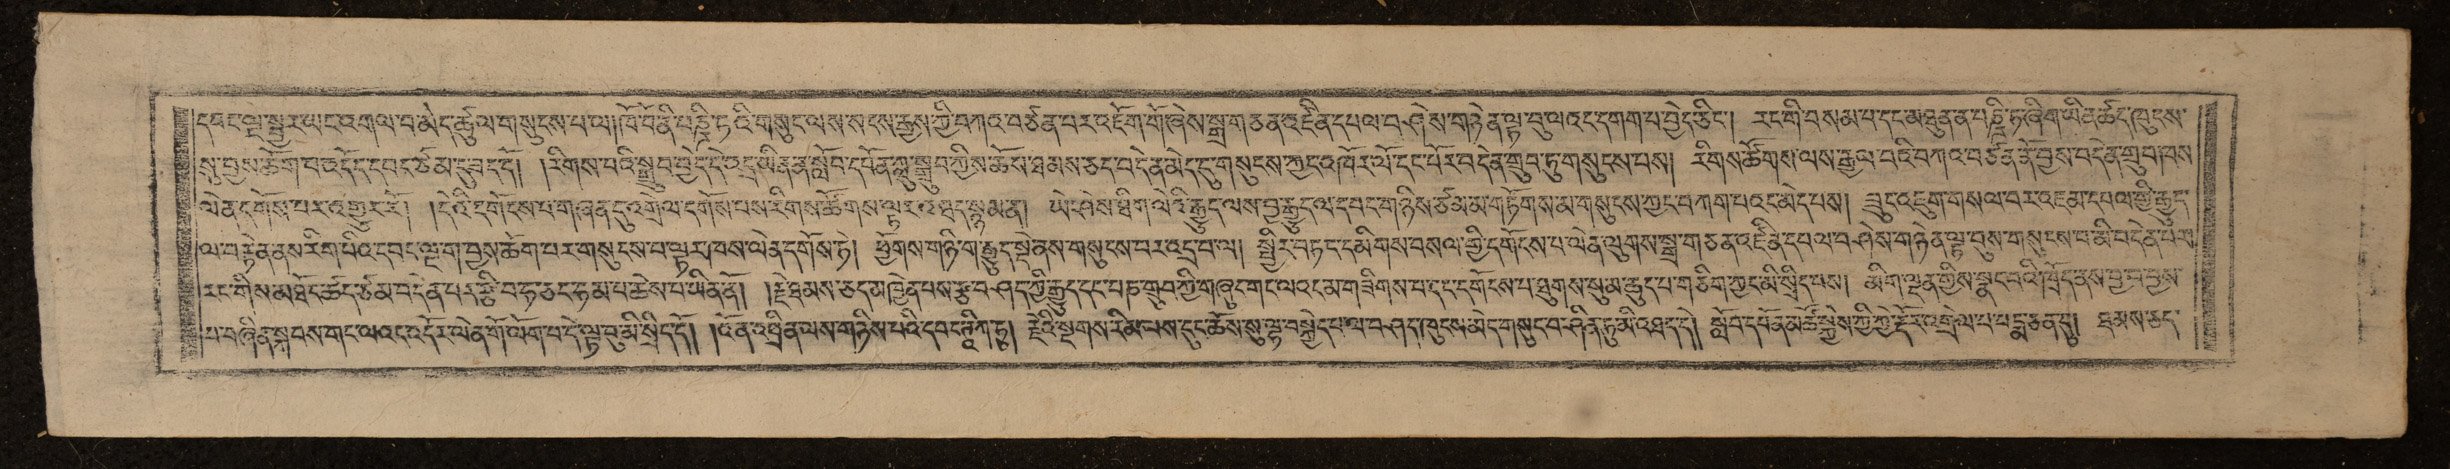དབང་ལྔ་སྦྱར་ཡང་འགལ་བ་མེད་ཚུལ་གསུངས་པ་ལ། ཁོ་བོ་ནི་པཎྜི་ཏའི་གསུང་ལས་སངས་རྒྱས་ཀྱི་བཀའ་བཙན་པར་འཇོག་གོ་ཞེས་སྒྲ་གཅན་འཛིན་དཔལ་བཤེས་གཉེན་ལྟ་བུ་ལའང་དགག་བ་བྱེད་ཅང་། རང་གི་བསམ་བ་དང་མཐུན་ན་པཎྜི་ཏ་ཞིག་མིན་ཚད་ཁུངས་
སུ་བྱས་ཆོག་པ་འདོད་དབང་ཙམ་དུ་ཟད་དོ། །རིགས་པའི་སྒྲུབ་བྱེད་དེ་འདྲ་ཡིན་ན་སློབ་དཔོན་ཀླུ་སྒྲུབ་ཀྱིས་ཆོས་ཐམས་ཅད་བདེན་མེད་དུ་གསུངས་ཀྱང་འཁོར་ལོ་དང་པོར་བདེན་གྲུབ་ཏུ་གསུངས་པས། རིགས་ཚོགས་ལས་རྒྱལ་བའི་བཀའ་བཙན་ནོ་བྱས་བདེན་གྲུབ་ཁས་
ལེན་དགོས་པར་འགྱུར་རོ། །དེའི་དགོངས་པ་གཞན་དུ་འགྲེལ་དགོས་པས་རིགས་ཚོགས་ལྟར་འཐད་སྙམ་ན། ཡེ་ཤེས་ཐིག་ལེའི་རྒྱུད་ལས་བྱ་རྒྱུད་ལ་དབང་གཉིས་ཙམ་མ་གཏོགས་མ་གསུངས་ཀྱང་བཀག་པའང་མེད་པས། ཟུང་འཇུག་གསལ་བར་འཇམ་དཔལ་གྱི་རྒྱུད་
ལ་བརྟེན་ནས་རིག་པའི་དབང་ལྡག་བྱས་ཆོག་པར་གསུངས་པ་ལྟར་ཁས་ལེན་དགོས་ཏེ། ཕྱོགས་གཉི་ག་རྒྱུད་སྡེ་ནས་གསུངས་པར་འདྲ་བ་ལ། སྤྱིར་བཏང་དམིགས་བསལ་གྱི་དགོངས་པ་ལེན་ལུགས་སྒྲ་གཅན་འཛིན་དཔལ་བཤེས་གཉེན་ལྟ་བུས་གསུངས་པ་མི་བདེན་པར་
རང་གིས་མཐོང་ཚད་ཙམ་བདེན་པར་རྩི་བ་ཧ་ཅང་ཧམ་པ་ཆེས་པ་ཡིན་ནོ། །རྗེ་ཐམས་ཅད་མཁྱེན་པས་རྩ་བཤད་ཀྱི་རྒྱུད་དང་པཎ་གྲུབ་ཀྱི་གཞུང་གང་ལའང་མ་གཟིགས་པ་དང་དགོངས་པ་ཐུགས་སུམ་ཆུད་པ་གཅིག་ཀྱང་མི་སྲིད་བས། མིག་ལྡན་གྱིས་སྣང་བའི་ཁྲོད་ནས་བྱ་བ་བྱས་
པ་བཞིན་སྐབས་གང་ལའང་འདོར་ལེན་གོ་ལོག་པ་དེ་ལྟ་བུ་མི་སྲིད་དོ། །འོན་འཕྲིན་ལས་གཉིས་པའི་དབང་ཊཱིཀྟུ། རྗེའི་སྔགས་རིམ་ལས་དུང་ཆོས་སུ་ལྟ་བསྐྱེད་པ་ལ་བཤད་ཁུངས་མེད་གསུང་བ་ཤིན་ཏུ་རིག་འཐད་དེ། སློབ་དཔོན་མཚོ་སྐྱེས་ཀྱི་ཀྱེ་རྡོར་འགྲེལ་པ་པདམ་ཅན་དུ། ཐམས་ཅད་